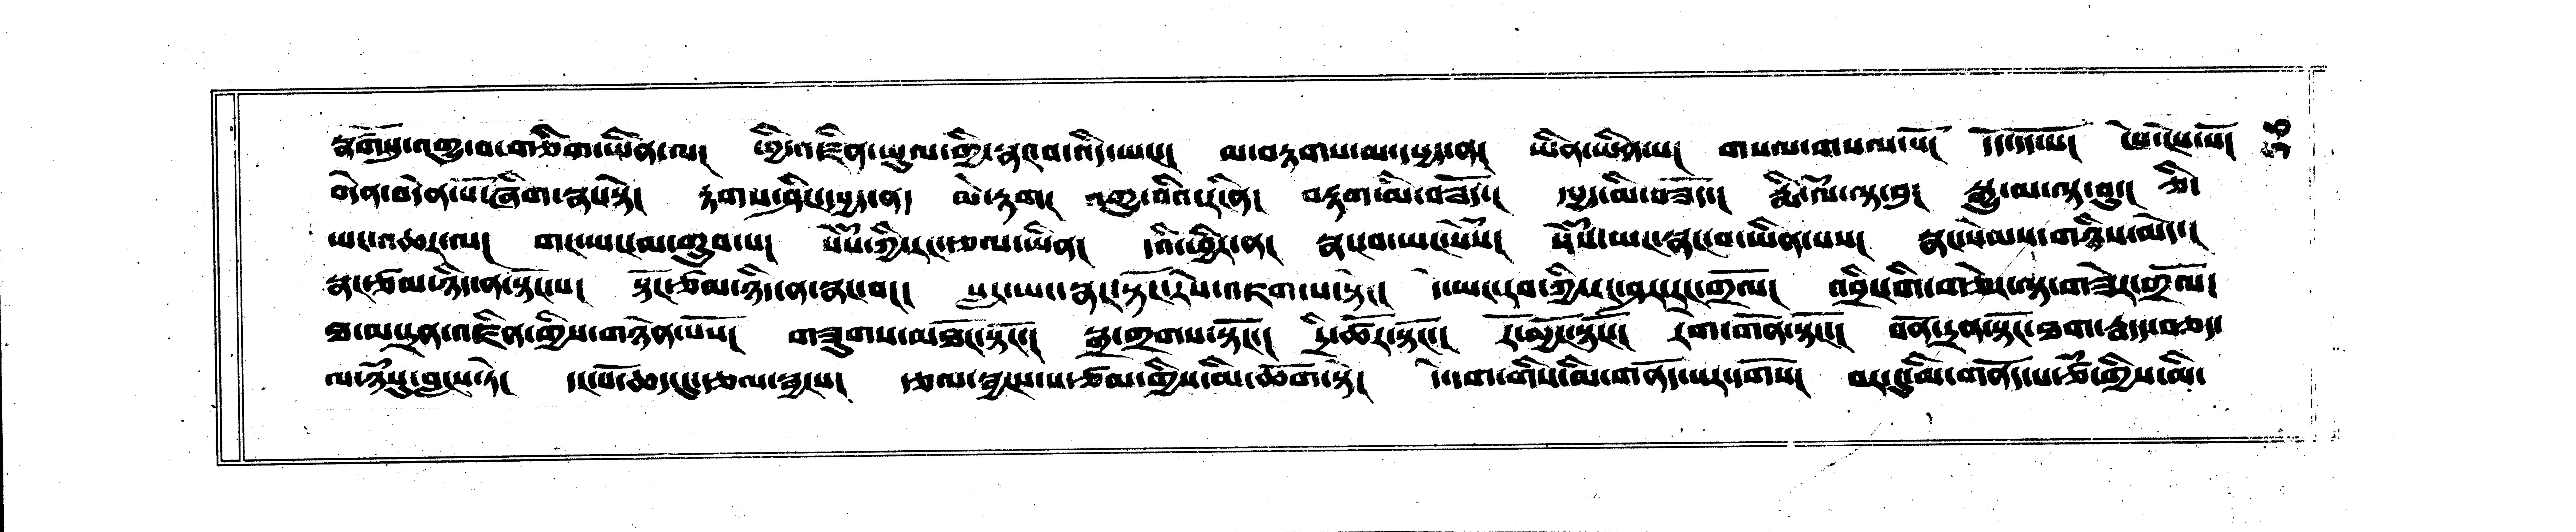སྣ་ཚོགས་སུ་འགྱུ་བ་གཅིག་ཡིན་ལ། ཕྱི་འཛིན་ཡུལ་གྱི་སྣང་བ་འདི་ཡང་། མ་བརྟགས་མ་དཔྱད་ན། ཡིན་ཡིན་པ། གསལ་གསལ་པོ། དོད་དོད་པོ། ངེས་ངེས་པོ།
 བདེན་བདེན་པོ་ཞིག་སྣང་སྟེ། བརྟགས་ཤིང་དཔྱད་ན། མི་རྟག་འགྱུ་བའི་རང་བཞིན། བརྟག་མི་བཟོད། དཔྱད་མི་བཟོད། རྨི་ལམ་ལྟ་བུ། སྒྱུ་མ་ལྟ་བུ། ཅི་
ཡང་འཆར་ལ། གང་ཡང་མ་གྲུབ་པ། སེམས་ཀྱི་རང་རྩལ་ཡིན། དེའི་ཕྱིར་ན། སྣང་བ་ཡང་སེམས། སེམས་ཀྱང་སྣང་བ་ཡིན་པས། སྣང་སེམས་གཉིས་མེད། 
སྣང་ཙམ་ཉིད་ན་སྟོང་། སྟོང་ཙམ་ཉིད་ན་སྣང་། སླར་ཡང་སྣང་སྟོང་རེས་འཇོག་པ་སྟེ། དེ་ཡང་རབ་ཀྱིས་རང་ཤར་རང་གྲོལ། འབྲིང་གིས་གཅེར་ལྟ་གཅེར་གྲོལ།
 ཐ་མ་དྲན་འཛིན་གྱི་གཉེན་པོས། གཟུགས་མཐོང་སྟོང་། སྒྲ་གྲག་སྟོང་། དྲི་ཚོར་སྟོང་། རོ་མྱོང་སྟོང་། རེག་གོན་སྟོང་། བོན་དྲན་སྟོང་ཐག་རྦད་རྦད་གཅད་
ལ་ཉམས་སུ་བླངས་ཏེ། དང་པོ་ཆེད་ལ་རྩལ་སྦྱངས། རྩལ་སྦྱངས་པ་ཙམ་གྱིས་མི་ཆོག་སྟེ། དེ་དག་གིས་མི་གནོད་པ་དགོས། བར་དུ་མི་གནོད་པ་ཙམ་གྱིས་མི་